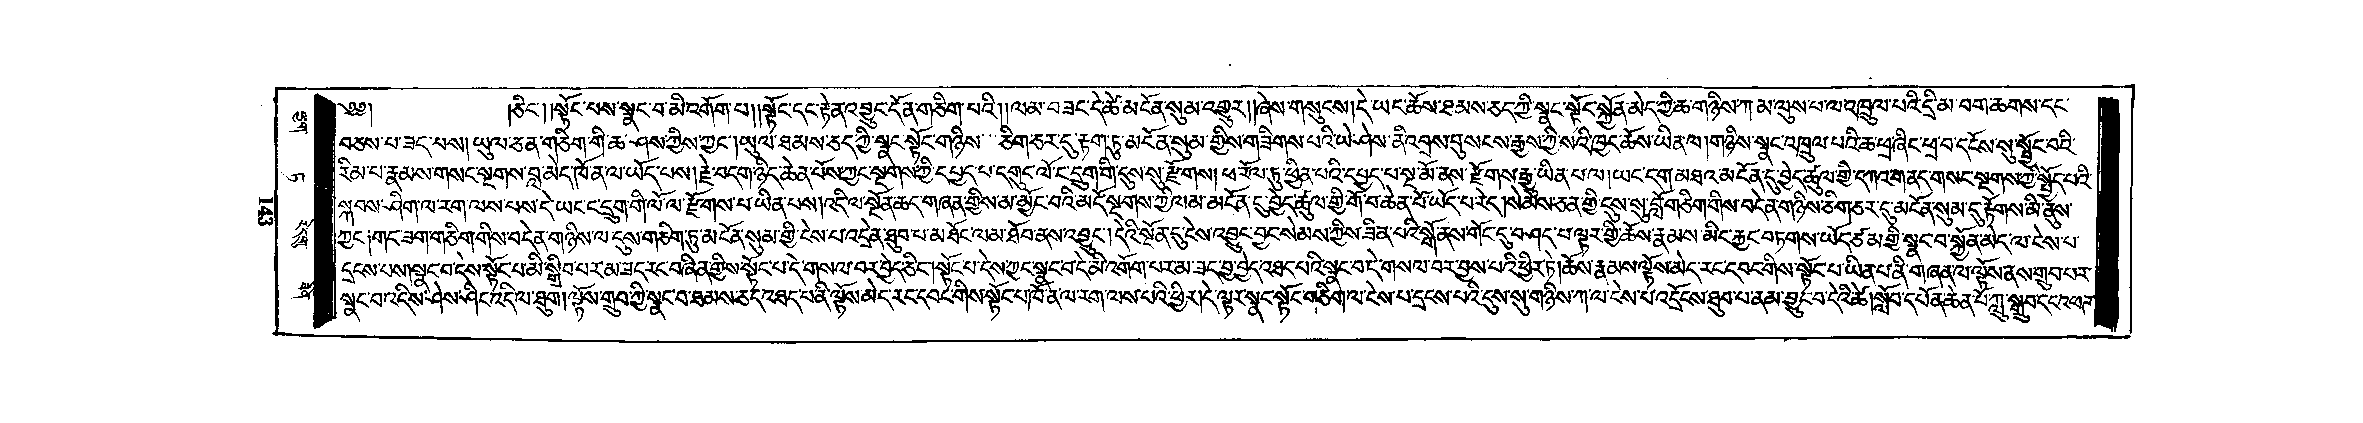༄༅། །ཅིང་། །སྟོང་པས་སྣང་བ་མི་འགོག་པ། །སྟོང་དང་རྟེན་འབྱུང་དོན་གཅིག་པའི། །ལམ་བཟང་དེ་ཚེ་མངོན་སུམ་འགྱུར། །ཞེས་གསུངས། དེ་ཡང་ཆོས་ཐམས་ཅད་ཀྱི་སྣང་སྟོང་སྐྱོན་མེད་ཀྱི་ཆ་གཉིས་ཀ་མ་ལུས་པ་ལ་འཁྲུལ་པའི་དྲི་མ་བག་ཆགས་དང་
བཅས་པ་ཟད་པས། ཡུལ་ཅན་གཅིག་གི་ཆ་ཤས་ཀྱིས་ཀྱང་། ཡུལ་ཐམས་ཅད་ཀྱི་སྣང་སྟོང་གཉིས་ཅིག་ཅར་དུ་རྟག་ཏུ་མངོན་སུམ་གྱིས་གཟིགས་པའི་ཡེ་ཤེས་ནི་འབྲས་བུ་སངས་རྒྱས་ཀྱི་སའི་ཁྱད་ཆོས་ཡིན་ལ། གཉིས་སྣང་འཁྲུལ་པའི་ཆ་ཕྲ་ཞིང་ཕྲ་བ་དངོས་སུ་སྦྱོང་བའི་
རིམ་པ་རྣམས་གསང་སྔགས་བླ་མེད་ཁོ་ན་ལ་ཡོད་པས། རྗེ་བདག་ཉིད་ཆེན་པོས་ཀྱང་སྔགས་ཀྱི་དཔྱད་པ་དགུང་ལོ་ང་དྲུག་གི་དུས་སུ་རྫོགས། ཕ་རོལ་ཏུ་ཕྱིན་པའི་དཔྱད་པ་སྔ་མོ་ནས་རྫོགས་རྒྱུ་ཡིན་པ་ལ། ཡང་དག་མཐའ་མངོན་དུ་བྱེད་ཚུལ་གྱི་དཀའ་གནད་གསང་སྔགས་ཀྱི་སྤྱོད་པའི་
སྐབས་ཤིག་ལ་རག་ལས་པས་དེ་ཡང་ང་དྲུག་གི་ལོ་ལ་རྫོགས་པ་ཡིན་པས། འདི་ལ་སྔོན་ཆད་གཞན་གྱིས་མ་མྱོང་བའི་མདོ་སྔགས་ཀྱི་ལམ་མངོན་དུ་བྱེད་ཚུལ་གྱི་གོ་བ་ཆེན་པོ་ཡོད་པ་རེད། སེམས་ཅན་གྱི་དུས་སུ་བློ་གཅིག་གིས་བདེན་གཉིས་ཅིག་ཅར་དུ་མངོན་སུམ་དུ་རྟོགས་མི་ནུས་
ཀྱང་། གང་ཟག་གཅིག་གིས་བདེན་གཉིས་ལ་དུས་གཅིག་ཏུ་མངོན་སུམ་གྱི་ངེས་པ་འདྲེན་ཐུབ་པ་མཐོང་ལམ་ཐོབ་ནས་འབྱུང་། དེའི་སྔོན་དུ་ངེས་འབྱུང་བྱང་སེམས་ཀྱིས་ཟིན་པའི་སྒོ་ནས་གོང་དུ་བཤད་པ་ལྟར་གྱི་ཆོས་རྣམས་མིང་རྐྱང་བཏགས་ཡོད་ཙམ་གྱི་སྣང་བ་སྐྱོན་མེད་ལ་ངེས་པ་
དྲངས་པས། སྣང་བ་དེས་སྟོང་པ་མི་སྒྲིབ་པར་མ་ཟད་རང་བཞིན་གྱིས་སྟོང་པ་དེ་གསལ་བར་བྱེད་ཅིང་། སྟོང་པ་དེས་ཀྱང་སྣང་བ་དེ་མི་འགོག་པར་མ་ཟད་བྱ་བྱེད་འཐད་པའི་སྣང་བ་དེ་གསལ་བར་བྱས་པའི་ཕྱིར་ཏེ། ཆོས་རྣམས་ལྟོས་མེད་རང་དབང་གིས་སྟོང་པ་ཡིན་པ་ནི་གཞན་ལ་ལྟོས་ནས་གྲུབ་པར་
སྣང་བ་འདིས་ཤེས་ཤིང་འདི་ལ་ཐུག །ལྟོས་གྲུབ་ཀྱི་སྣང་བ་ཐམས་ཅད་འཐད་པ་ནི་ལྟོས་མེད་རང་དབང་གིས་སྟོང་པ་ཁོ་ན་ལ་རག་ལས་པའི་ཕྱིར། དེ་ལྟར་སྣང་སྟོང་གཅིག་ལ་ངེས་པ་དྲངས་པའི་དུས་སུ་གཉིས་ཀ་ལ་ངེས་པ་འདྲོངས་ཐུབ་པ་ནམ་བྱུང་བ་དེའི་ཚེ། སློབ་དཔོན་ཆེན་པོ་ཀླུ་སྒྲུབ་དང་འཕགས་